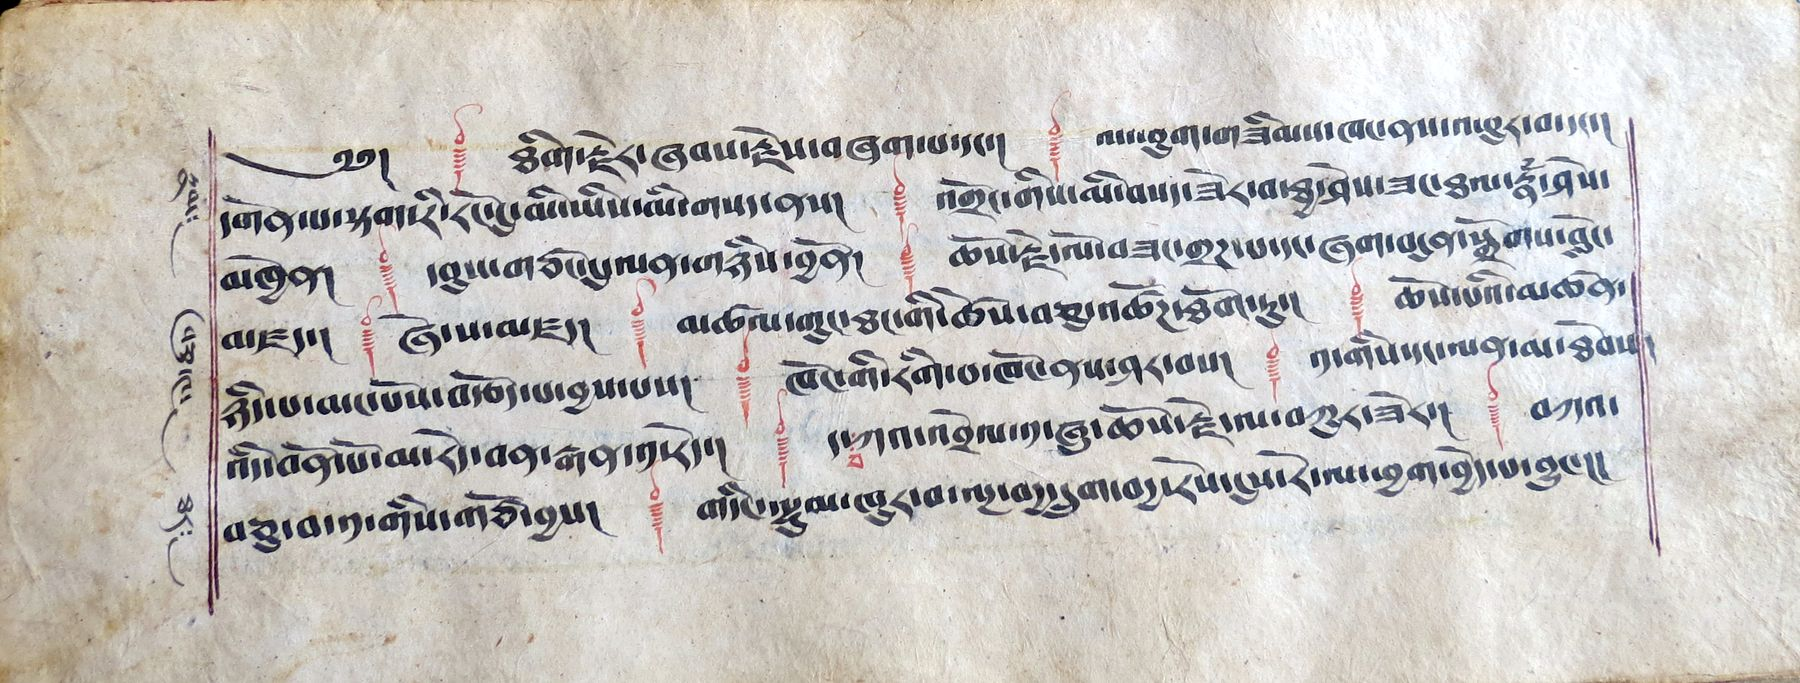ཐིག་རྗེར་ཞབས་རྗེས་བཞག་པ་དང་། ལ་ཕུག་གཟིམས་ཁང་ནས་འཕུར་བ་དང་། 
དགོན་པ་སྟག་རི་རོང་དུ་མི་ཡིས་མི་བསད་ནས། འབྲོང་གིས་མི་བསད་ཟེར་བ་ཐུགས་ཤེས་ཟང་ཐལ་རྣམ་ཤེས་
མཁྱེན་། དབུས་གཙང་དུ་ལན་གཉིས་བྱོན། ཆོས་རྗེ་བློ་བཟང་གྲགས་པ་དང་ཞག་བདུན་དུ་སྒྲོགས་གླེང་
མཛད། ཞེ་ས་མཛད། མཚལ་གུང་ཐང་གི་ཚེས་བཅུ་འཚོགས་ཐོག་ཏུ། ཆོས་པ་མཚན་
ཉིད་པ་མང་པོས་རྩོད་པ་བྱས་པས། ཁོང་གིས་རིག་པ་ཁོང་ནས་ཤར་བས། གཅིག་གིས་ཀྱང་ལན་མ་ཐེབས། 
འདི་བོན་པོ་མ་རེད་བན་རྒན་ཞིག་རེད། ད་བཀའ་འབྲེལ་ཞིག་ཞུ་ཆོས་རྗེ་ལ་བཀུར་ཟེར། བཀའ་
བཅུ་བ་ཞིག་གིས་གཙོ་བྱས། འདིང་ལྷུང་ཁུར་བ་ལྔ་བརྒྱ་དྲུག་བརྒྱ་རེས་དུས་རེ་ལ་ཕྱག་བྱེད་པ་བྱུང་།